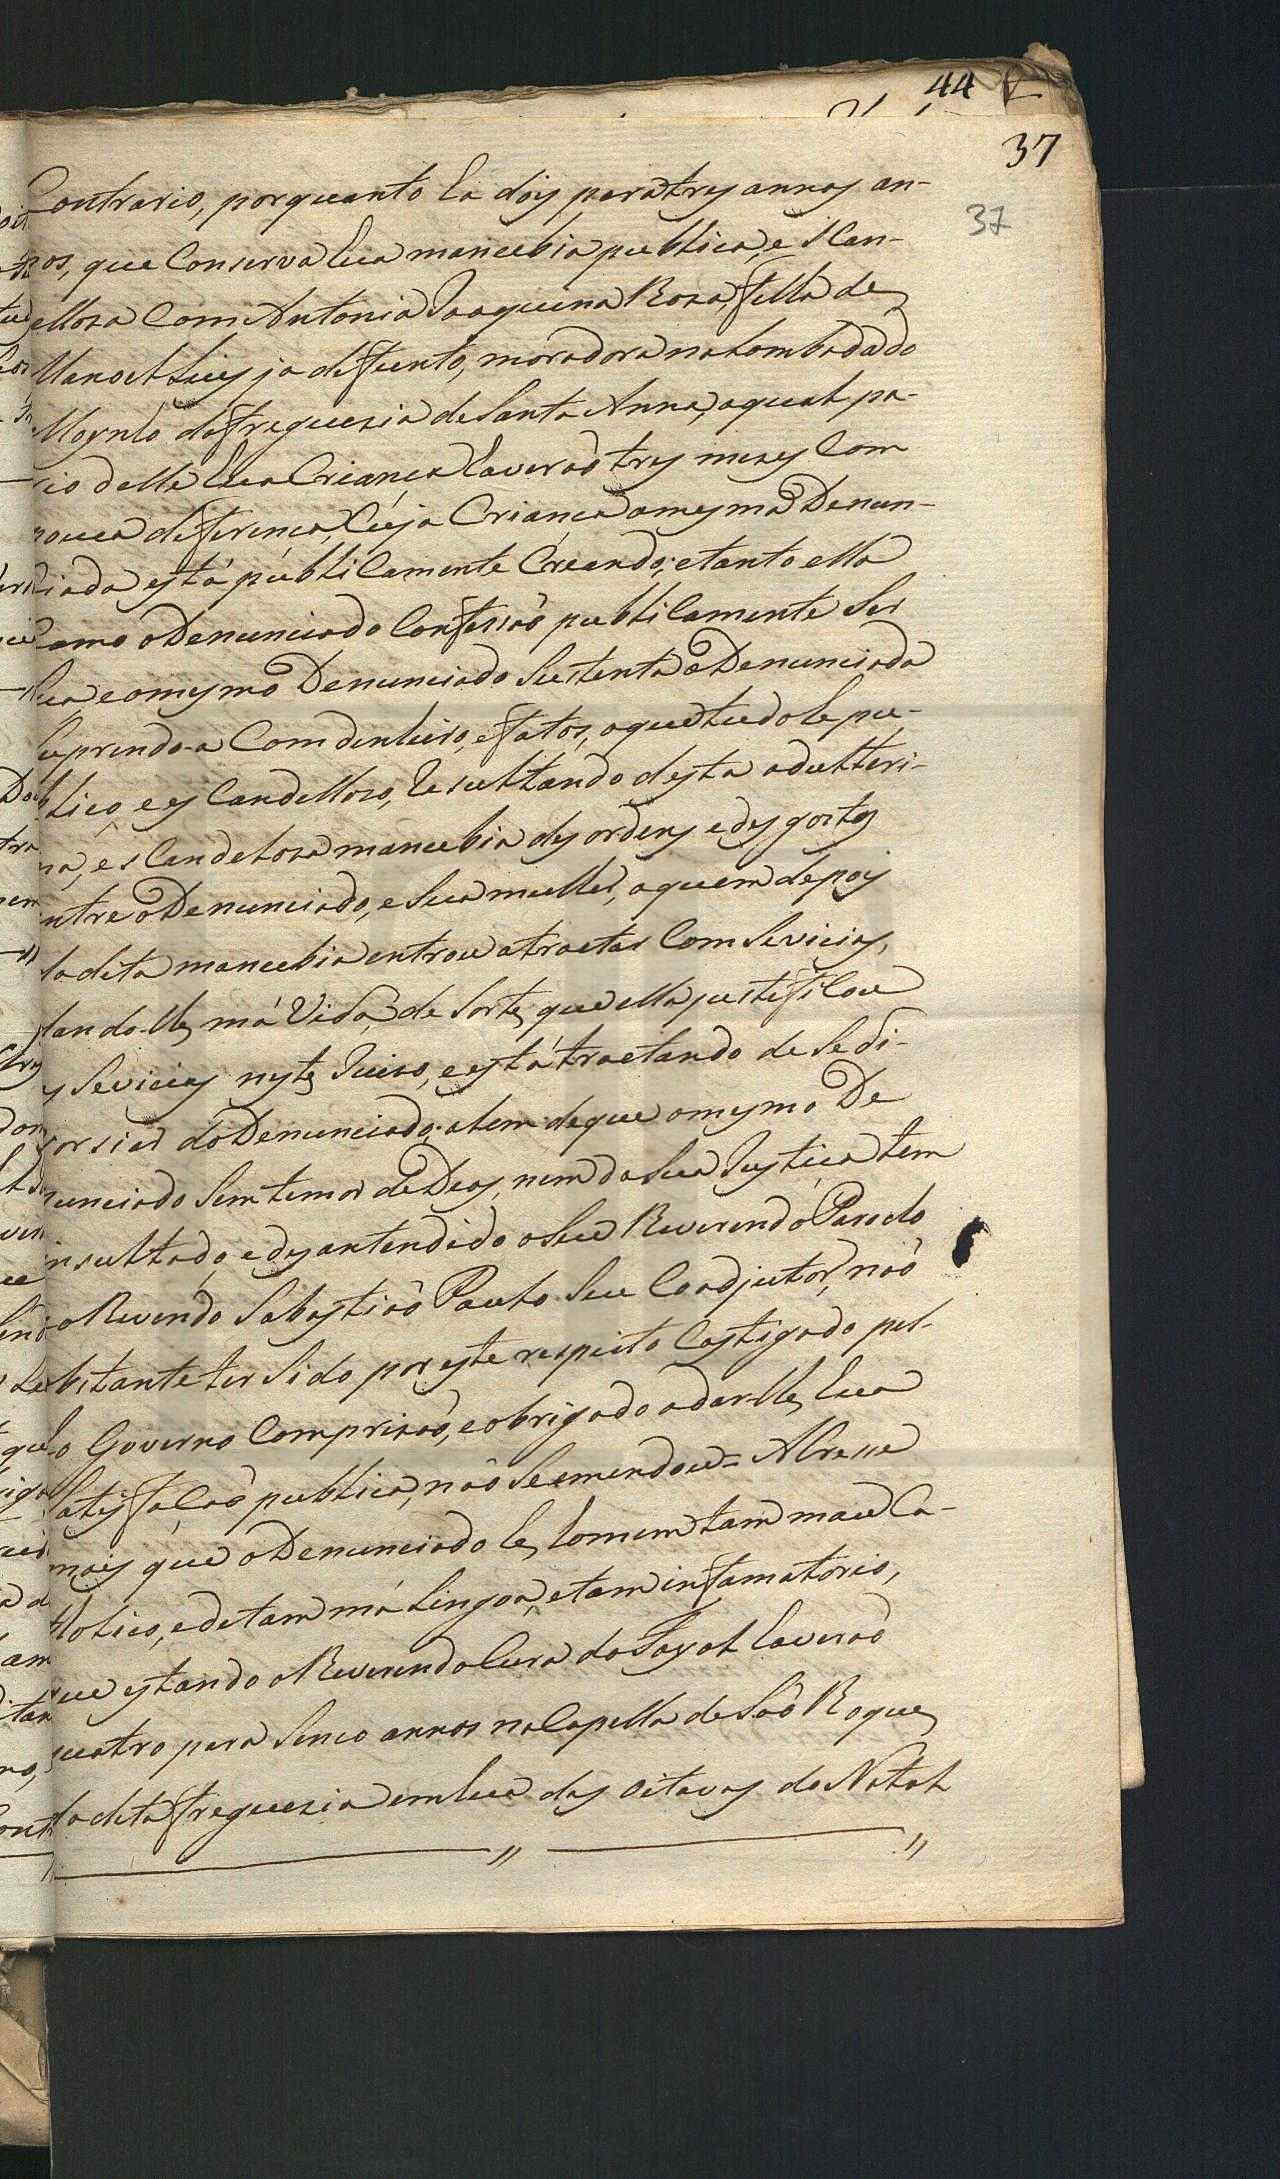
Contrario, porquanto ha dois para tres annos an
os, que Conserva hua mancebia publica, e sCan
lloza Com Antonia Ioaquina Roza, filha de
Manoel Luis ja defunto, moradora na lombada do
Moynho da freguezia de Santa Anna, a qual pa
io delle hua Criança haveraõ tres mezes Com
ouca deferença, Cuja Criança a mesma Denun
iada está publiCamente Creando; e tanto ella
omo o Denunciado Confessaõ publiCamente Ser
ua, e o mesmo Denunciado Sustenta a Denunciada
uprendo-a Com denheiro, e fatos, o que tudo he pu
lico e esCandellozo, Resultando desta adulteri
na, e sCandeloza mancebia desordens e desgostos
ntre o Denunciado, e Sua mulher, a quem depois
da dita mancebia entrou a tractar Com Sevicias,
dando-lhe má Vida, de Sorte que ella justefiCou
Sevicias neste Iuizo, e está tractando de Se di
orsiar do Denunciado; alem de que o mesmo De
nunciado Sem temor de Deos, nem da Sua Iustiça tem
nsultado, e desantendido o Seu Reverendo Parocho
o Revendo Sabastiaõ Paulo Seu Coadjutor, naõ
bstante ter Sido por este respeito Castigado pel
o Governo Com prizaõ, e obrigado a darlhe hua
SatisfaÇaõ publica, naõ Se emendou = ACresse
mais que o Denunciado he homem tam mau Ca
olico, e de tam má lingoa, e tam infamatorio,
ue estando o Reverendo Cura do Fayal haveraõ
uatro para Sinco annos na Capella de Saõ Roque
a dita freguezia em hua das oitavas do Natal
